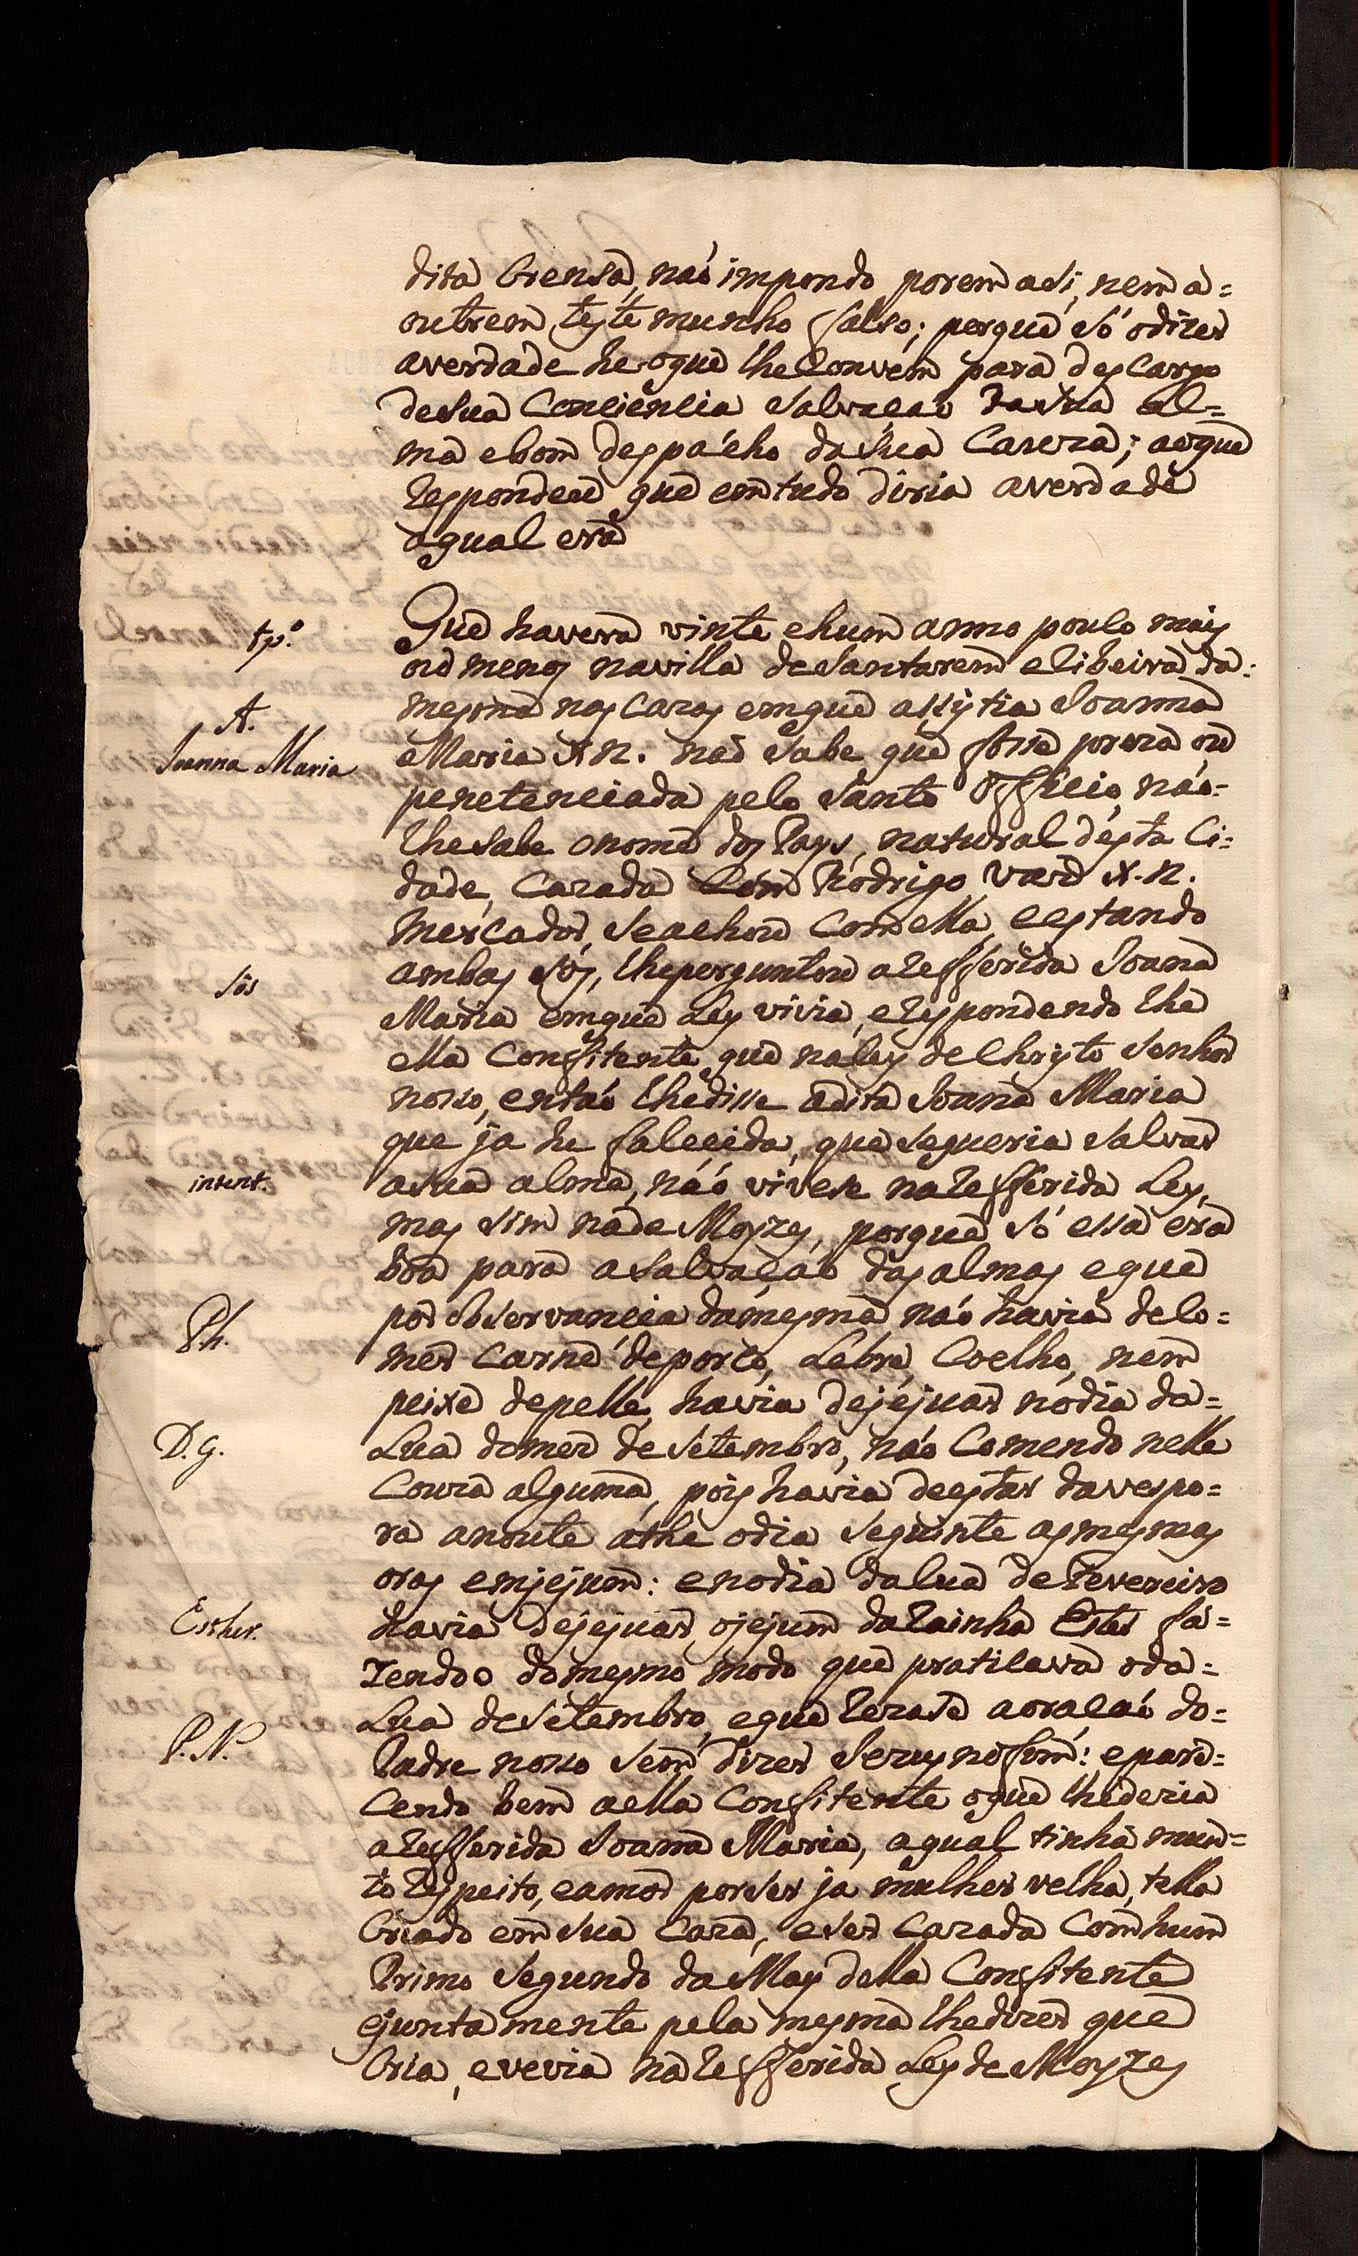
dita Crensa, naõ impondo porem a si, nem a
outrem testemunho falso; porque só o dizer
a verdade he o que lhe convem para descargo
de sua conciencia salvaçaõ da sua al
ma e bom despacho da Sua Cauza; ao que
Respondeu que em tudo diria a verdade
a qual era
Que havera vinte e hum anno pouco mais
tp.o
ou menos na villa de Santarem e Ribeira da
mesma nas cazas em que assistia Ioanna
A.
Maria xn. naõ sabe que fosse preza, ou
Ioanna Maria
penetenciada pelo Santo oficio nao
lhe sabe o nome dos Pays, natural desta ci
dade, cazada Com Rodrigo Vaz x. n.
mercador, se achou com ella, e estando
ambas sós, lhe perguntou a Refferida Ioana
sós
Maria em que Ley vivia, e Respondendo lhe
ella confitente que na ley de Christo senhor
nosso, entaõ lhe disse a dita Ioana Maria
que ja he falecida, que se queria salvar
intent.
a sua alma, naõ vivese na Refferida Ley,
mas sim na de Moyzes, porque só essa era
boa para a salvaçaõ das almas e que
por observancia da mesma naõ haviaõ de Co
Ph.
mer carne de porco, Lebre, Coelho, nem
peixe de pelle, havia de jejuar no dia da
Lua do mez de setembro, naõ comendo nelle
D.G.
Couza alguma, pois havia de estar da vespe
ra a noute athe o dia seguinte as mesmas
oras em jejum: e no dia da lua de Fevereiro
havia de jejuar o jejum da Rainha Ester fa
Esther.
zendoo do mesmo modo que praticava o da
Lua de setembro, e que Rezase a oraçaõ do
P. N.
Padre nosso sem dizer Iezus no fim: e pare
Cendo bem a ella Confitente o que lhe dezia
a Refferida Ioana Maria, a qual tinha mun
to Respeito, e amor por ser ja mulher velha, tella
Criado em sua Caza, e ser cazada com hum
Primo segundo da May della Confitente
e juntamente pela mesma lhe dizer que
Cria, e vevia na Refferida Ley de Moyzes
